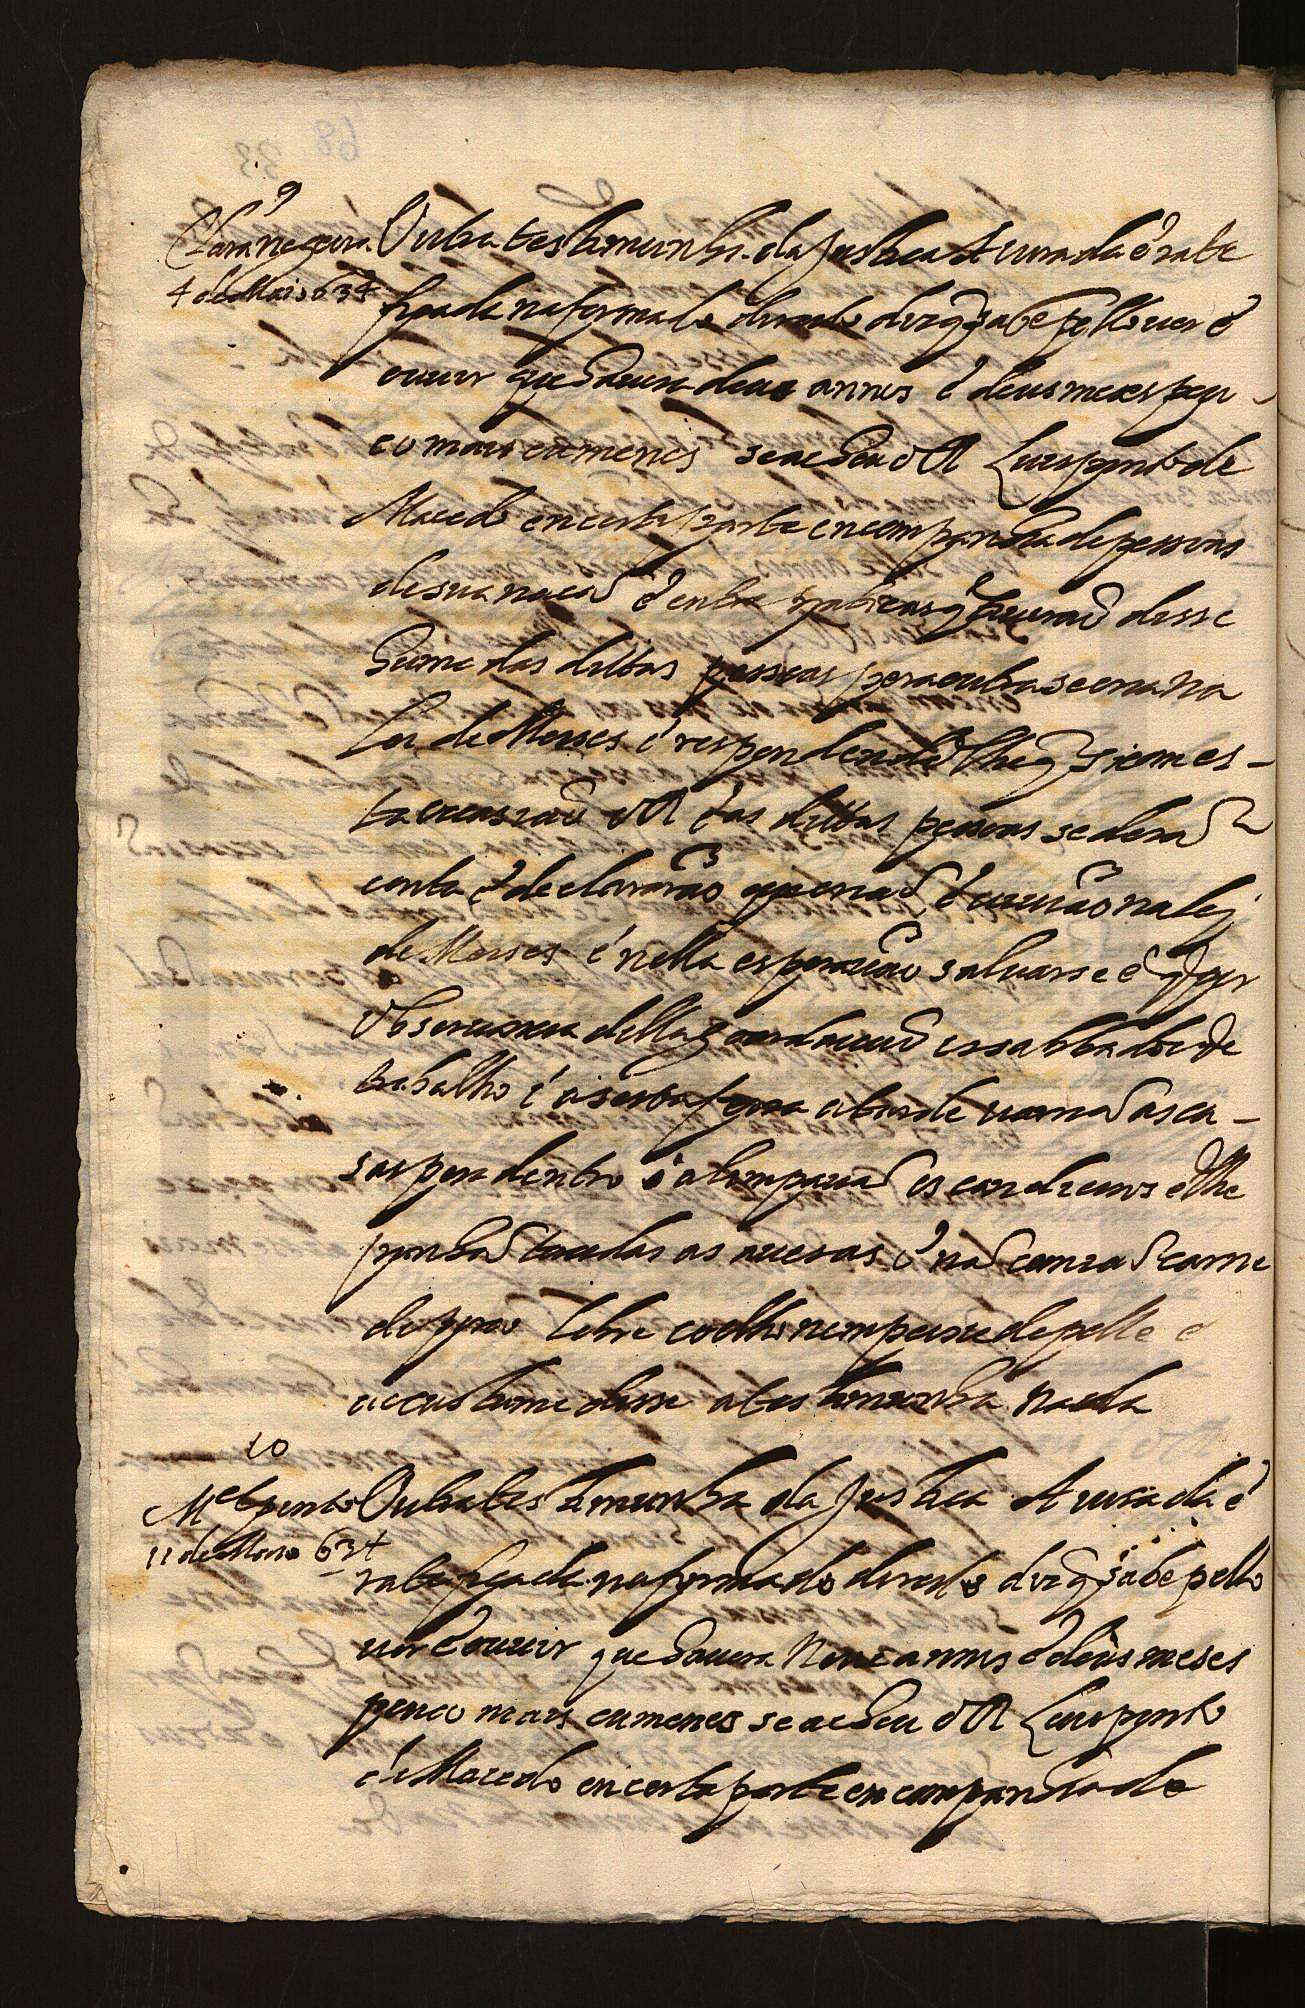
9
Clara nogeira
Outra testemunha da Justiça A iurada e rate
4 de Maio 634
ficada na forma do direito diz q̄ sabe pello uer e
ouuir que hauera dous annos e dous meses pou
co mais ou menos se achou o R Luis pinto de
Macedo en certa parte en companhia de pessoas
de sua naçaõ e entre praticas q̄ tiueraõ disse
huma das dittas pessoas pera outra se cria na
Lei de Moises e respondendolhe q̄ si com es
ta occasiaõ o R e as dittas pessoas se deraõ
conta, e declararaõ que criaõ, e uiuiaõ na lej
de Moises, e nella esperauaõ saluarse e q̄ por
obseruancia della goardauaõ os sabbados de
trabalho e a sesta feira a tarde uarriaõ as ca
sas pera dentro e alimpauaõ os candieiros e lhe
punhaõ torcidas as auesas e naõ comiaõ carne
de porco lebre coelho nem peixe de pelle e
ao custume disse a testemunha nada
10
Outra testemunha da Justiça A iurada e
Mel pinto
11 de Maio 634
rateficada na forma do direito diz q̄ sabe pello
uer e ouuir que hauera nove annos e dous meses
pouco mais ou menos se achou o R Luis pinto
de Macedo en certa parte en companhia do
